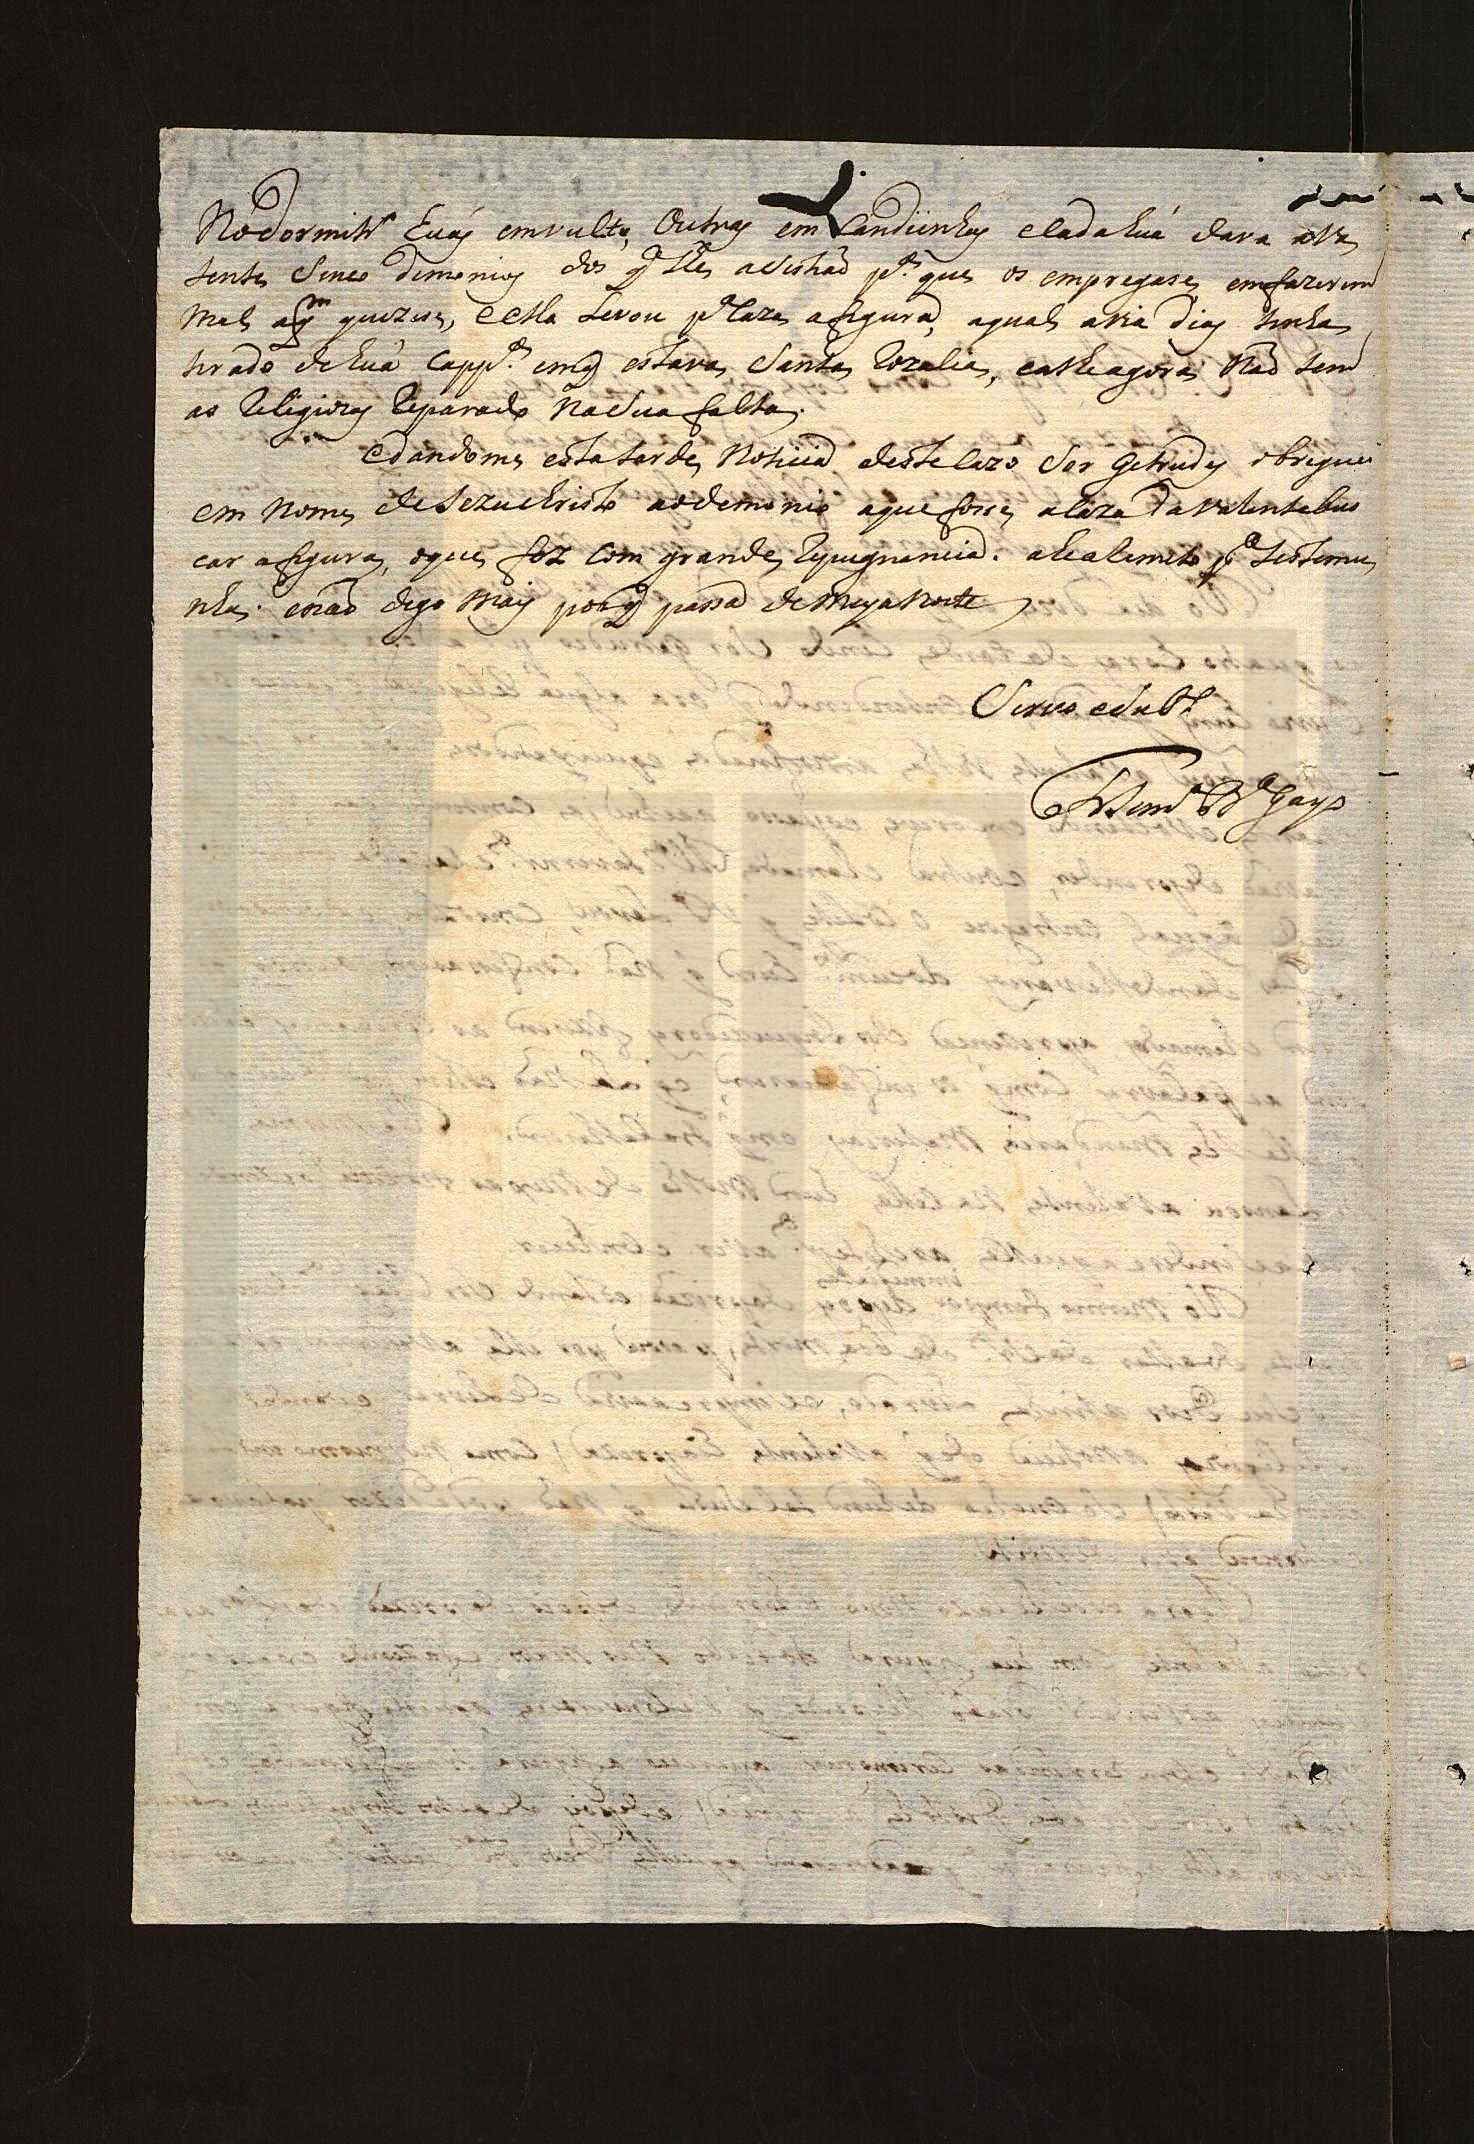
No dormitro huās em vulto, Outras em Candiinhas e cada huā dava a Va
tente sinco demonios dos q̄ lhes asistiaõ p.a que os empregase em fazerem
mal a qm quizese, e ella Levou pa Caza a figura, a qual avia dias tinha
tirado de huā Capp.a em q̄ estava santa Rozalia, e athe agora naõ tem
as Religiozas Reparado na sua falta.
e dandome esta tarde noticia deste cazo sor Getrudes obriguei
em nome, de Iezu christo ao demonio a que fosse a caza da valenta bus
car a figura, o que fez com grande Repugnancia. ahi a Remeto pa testemu
nha. e naõ digo mais porq̄ passa de meya noite
Servo e Sub.o
